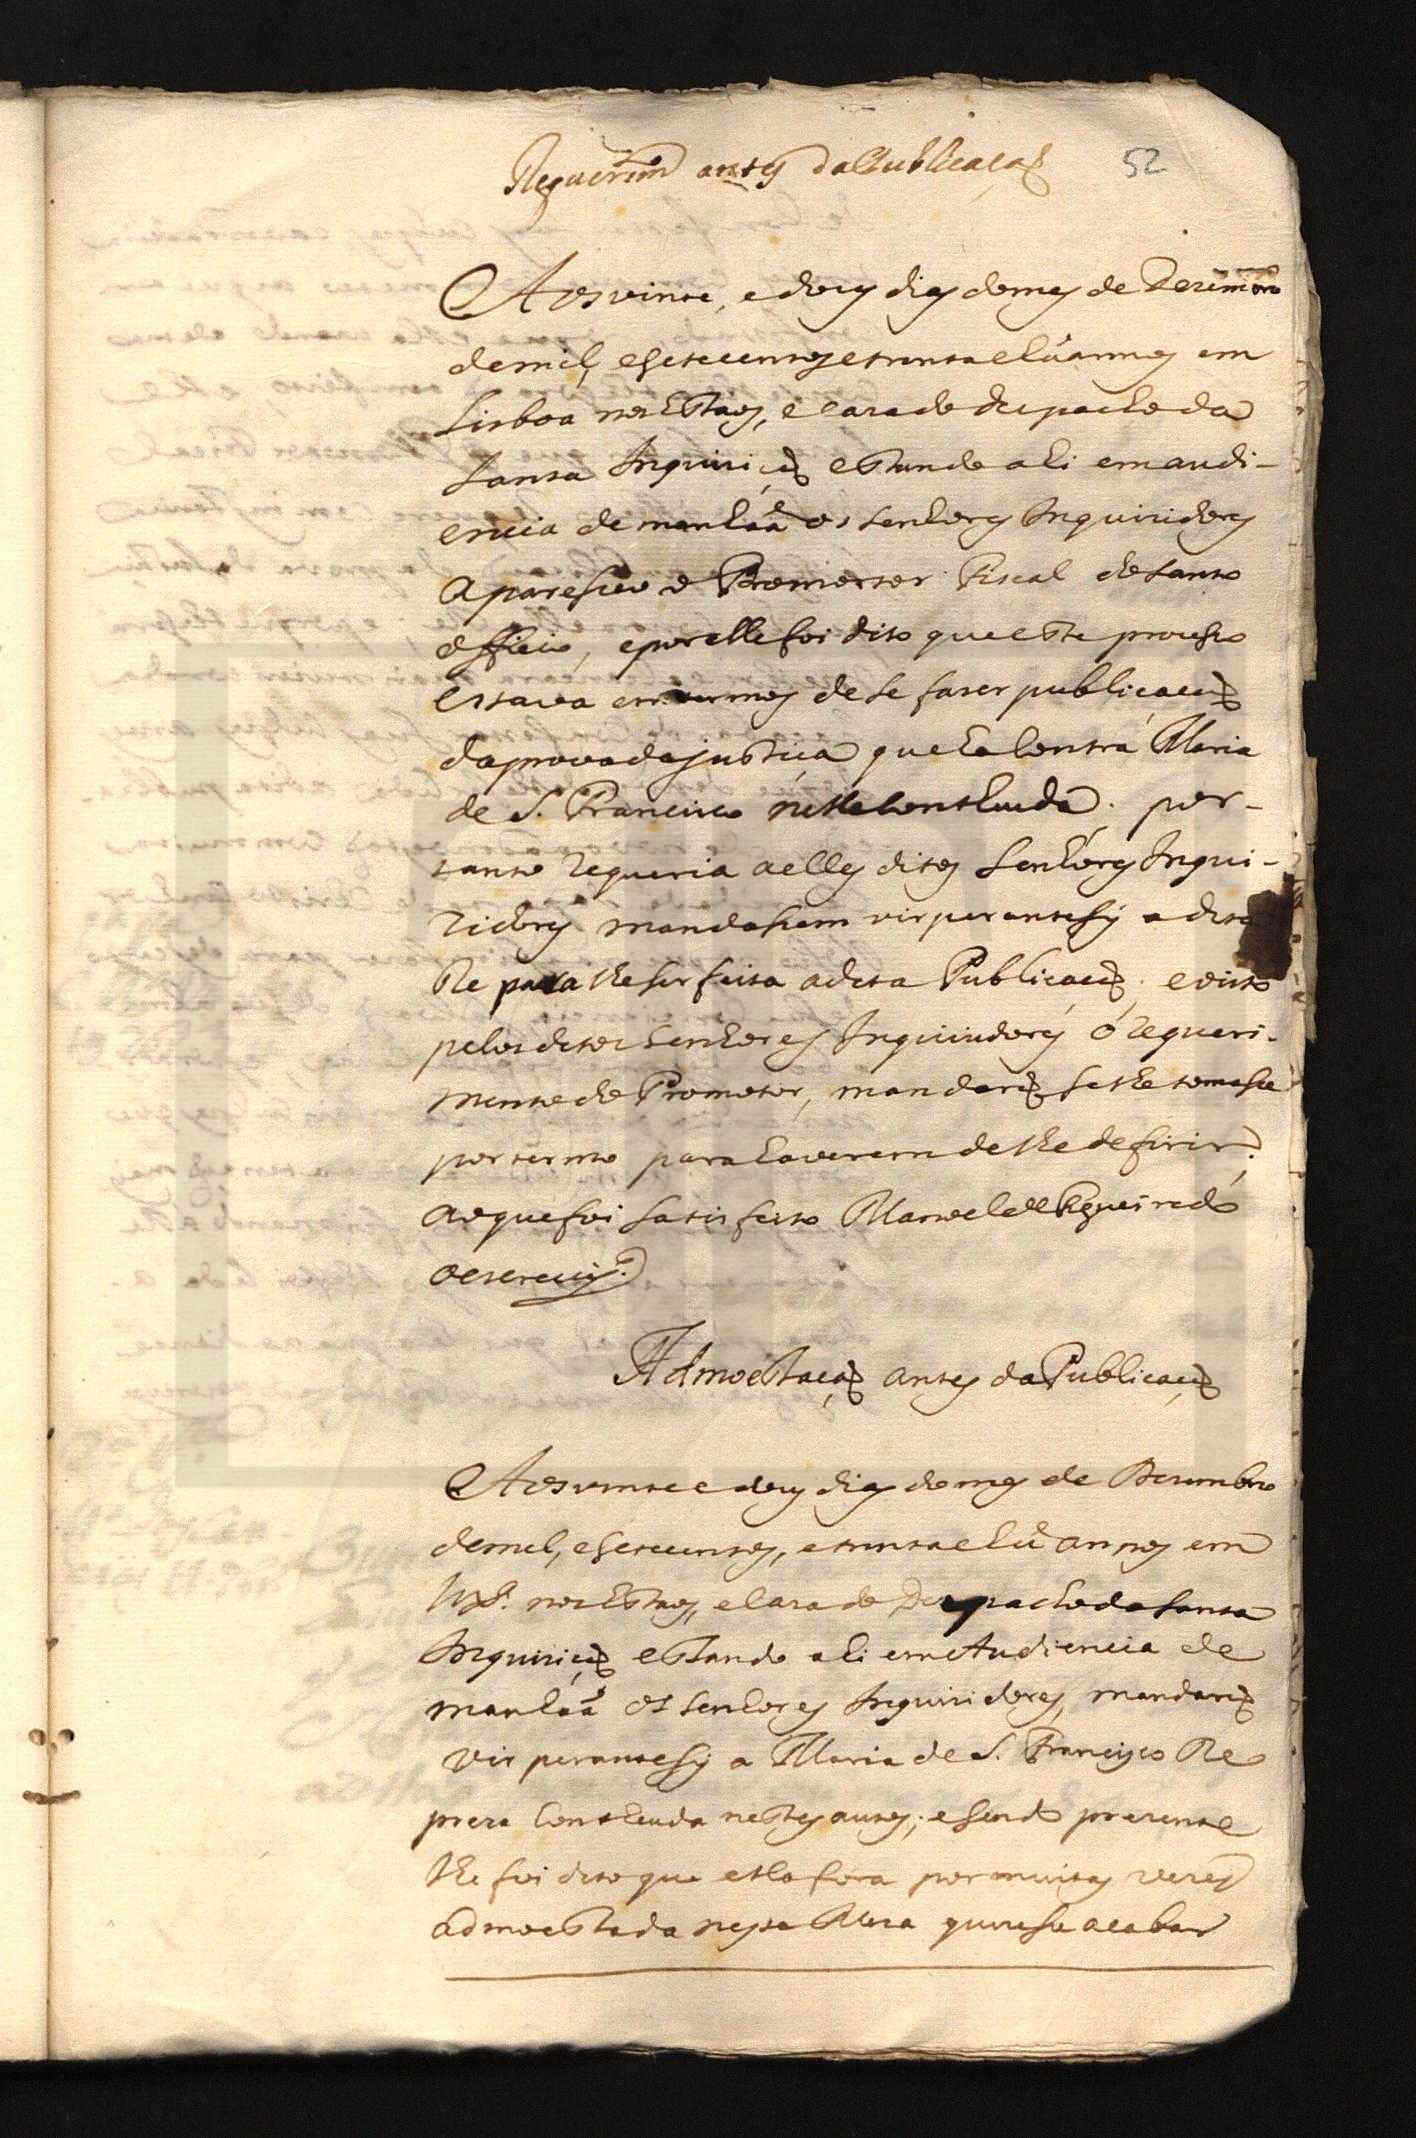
Requerimto antes da Publicaçaõ 52
Aos vinte, e dous dias do mes de Dezem_ro
de mil, e setecentos e trinta e hū annos em
Lisboa nos Estaos, e caza do despacho da
santa Inquizicaõ estando ahi em audi
encia de manhaã os senhores Inquizidores
aparesseo o Promortor Fiscal do santo
officio, e por elle foi dito que este processo
estava em termos de se fazer publicaçaõ
da prova da justiça que ha contra Maria
de S. Francisco nelle contheuda; por
tanto requeria a elles ditos senhores Inqui
zidores mandassem vir perante sy a dito
Re para lhe ser feita a dita Publicação, e visto
pelos ditos senhores Inquisidores o Requeri
mento do Promotor, mandaraõ se lhe tomasse
por termo para haverem de lhe defirir;
ao que foi satisfeito Manoel de Fegueiredo
o escreuy.
Admoestaçaõ antes da Publicaçaõ
Aos vinte e dous dias do mes de Dezembro
de mil, e setecentos, e trinta e hū annos em
lix.a nos Estaos, e Caza do Despacho da santa
Inquiziçaõ estando ahi em Audiencia de
manhaã os senhores Inquizidores, mandaraõ
vir perante sy a Maria de S. Francisco Re
preza contheuda nestes autos; e sendo prezente
lhe foi dito que ella fora por muitas vezes
admoestada nesta Meza quizesse acabar
